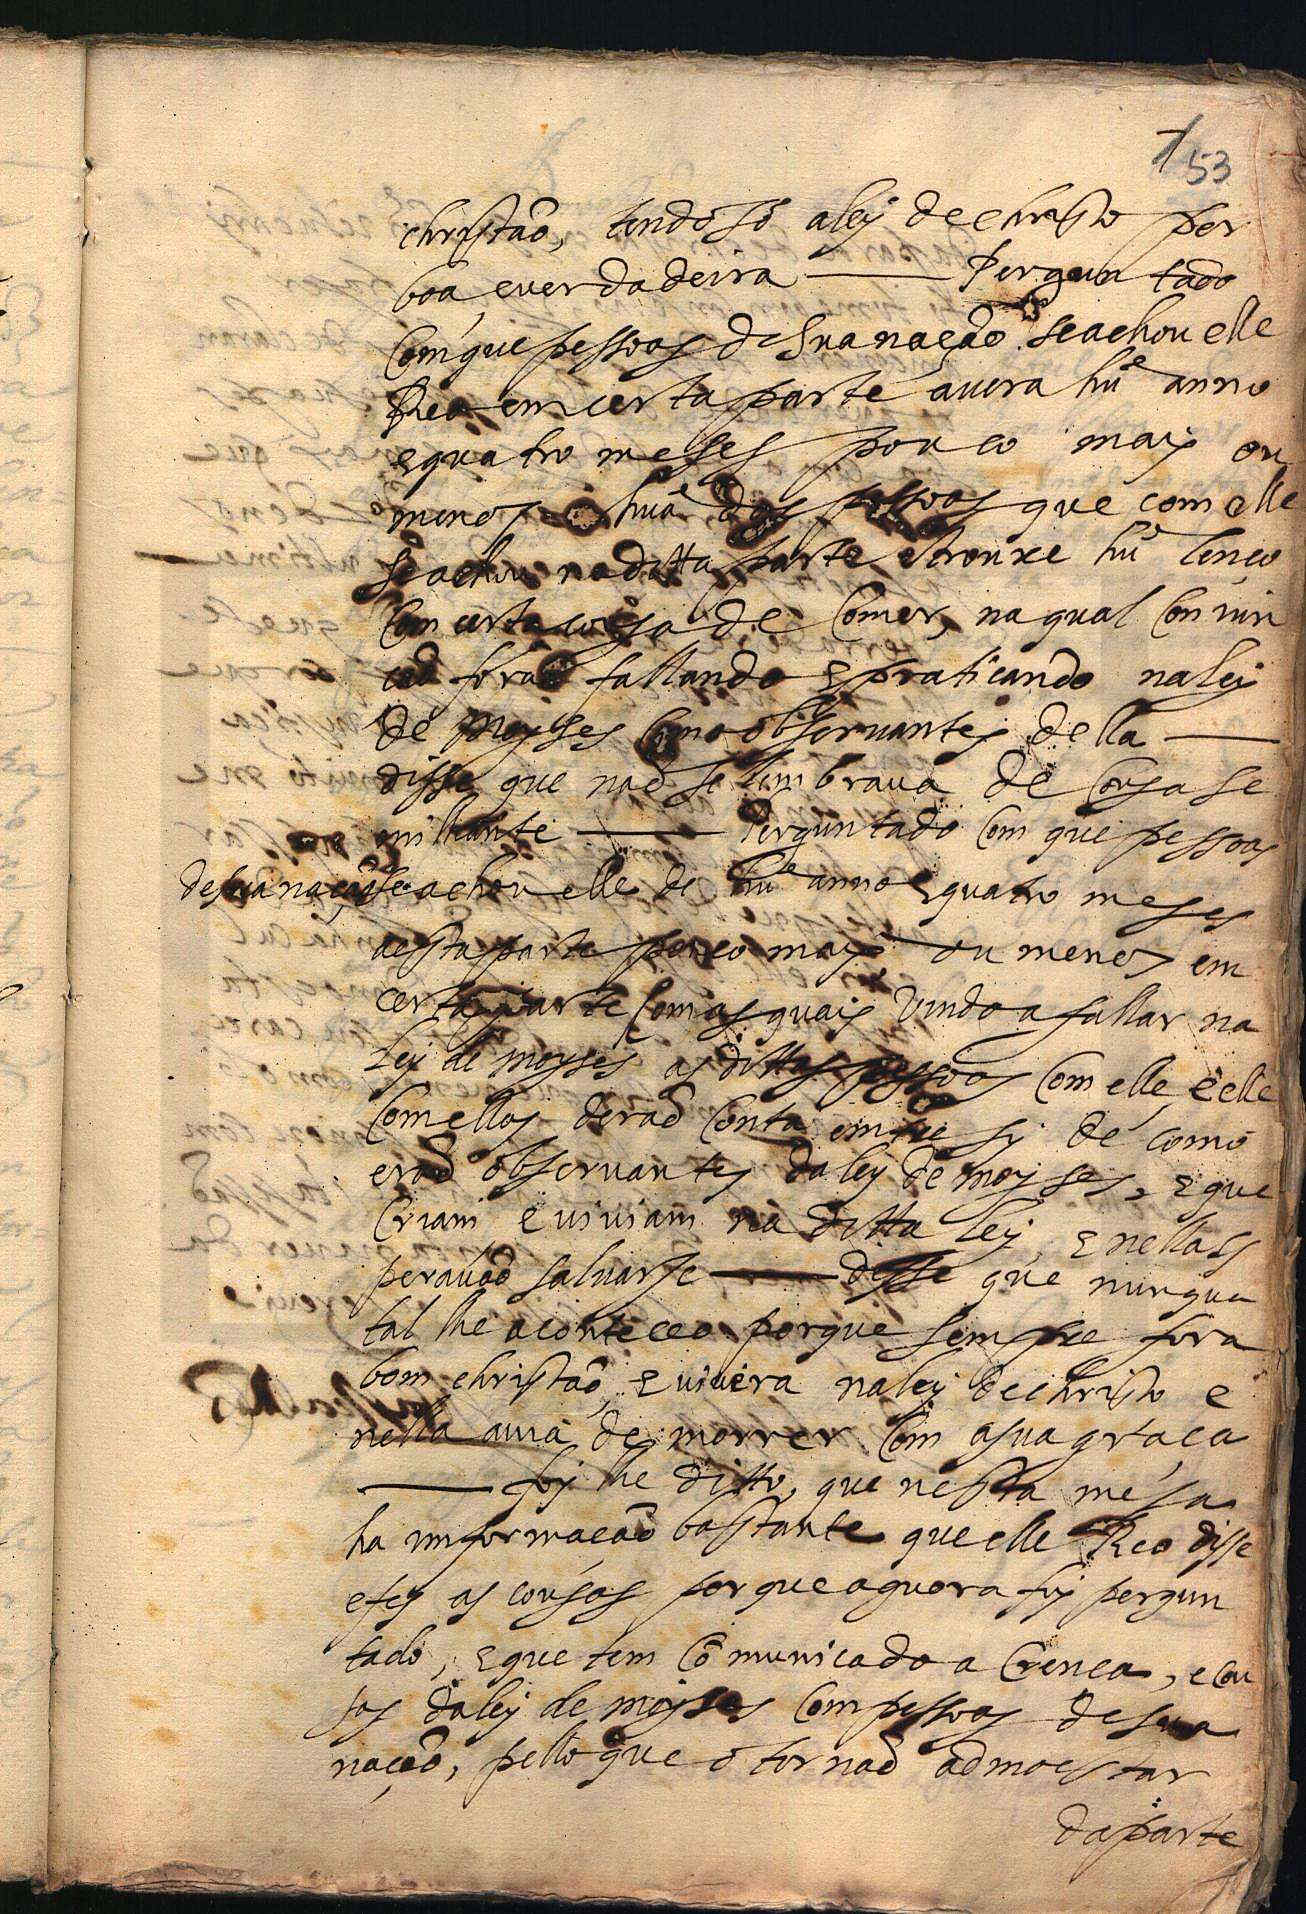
christaõ, tendo só a ley de christo per
boa e uerdadeira - Perguntado
Com que pessoas de sua naçaõ se achou elle
Reo em certa parte auera hū anno
E quatro meses pouco mais ou
menos _ huā das pessoas que com elle
se achou na ditta parte e trouxe hū lenço
Com certa cousa de Comer, na qual Conuin
ção foraõ faltando E praticando na Ley
de moyses Como obseruantes della
disse que naõ se lembraua de Cousa se
milhante - Perguntado Com que pessoas
de sua naçaõ se achou elle de hū anno E quatro meses
a esta parte poco majs ou menos em
certa parte Com as quais vindo a fallar na
Ley de moyses as dittas pessoas Com elle, e elle
Com ellas deraõ Conta emtre sy de como
eraõ obseruantes da ley de moyses, E que
Criam, e uiuiam na ditta Ley, E nella Es
perauão saluarse - disse que nunqua
tal lhe aconteceo porque sempre fora
bom christaõ, E uiuera na ley de christo e
nella auia de morrer Com a sua graça
- foy lhe ditto, que nesta mesa
ha imformação bastante que elle Reo disse
e fes as cousas porque aguora foy pergun
tado, E que tem Cōmunicado a Crença, e cou
sas da ley de moyses Com pessoas de sua
naçaõ, pello que o tornaõ admoestar
da parte
